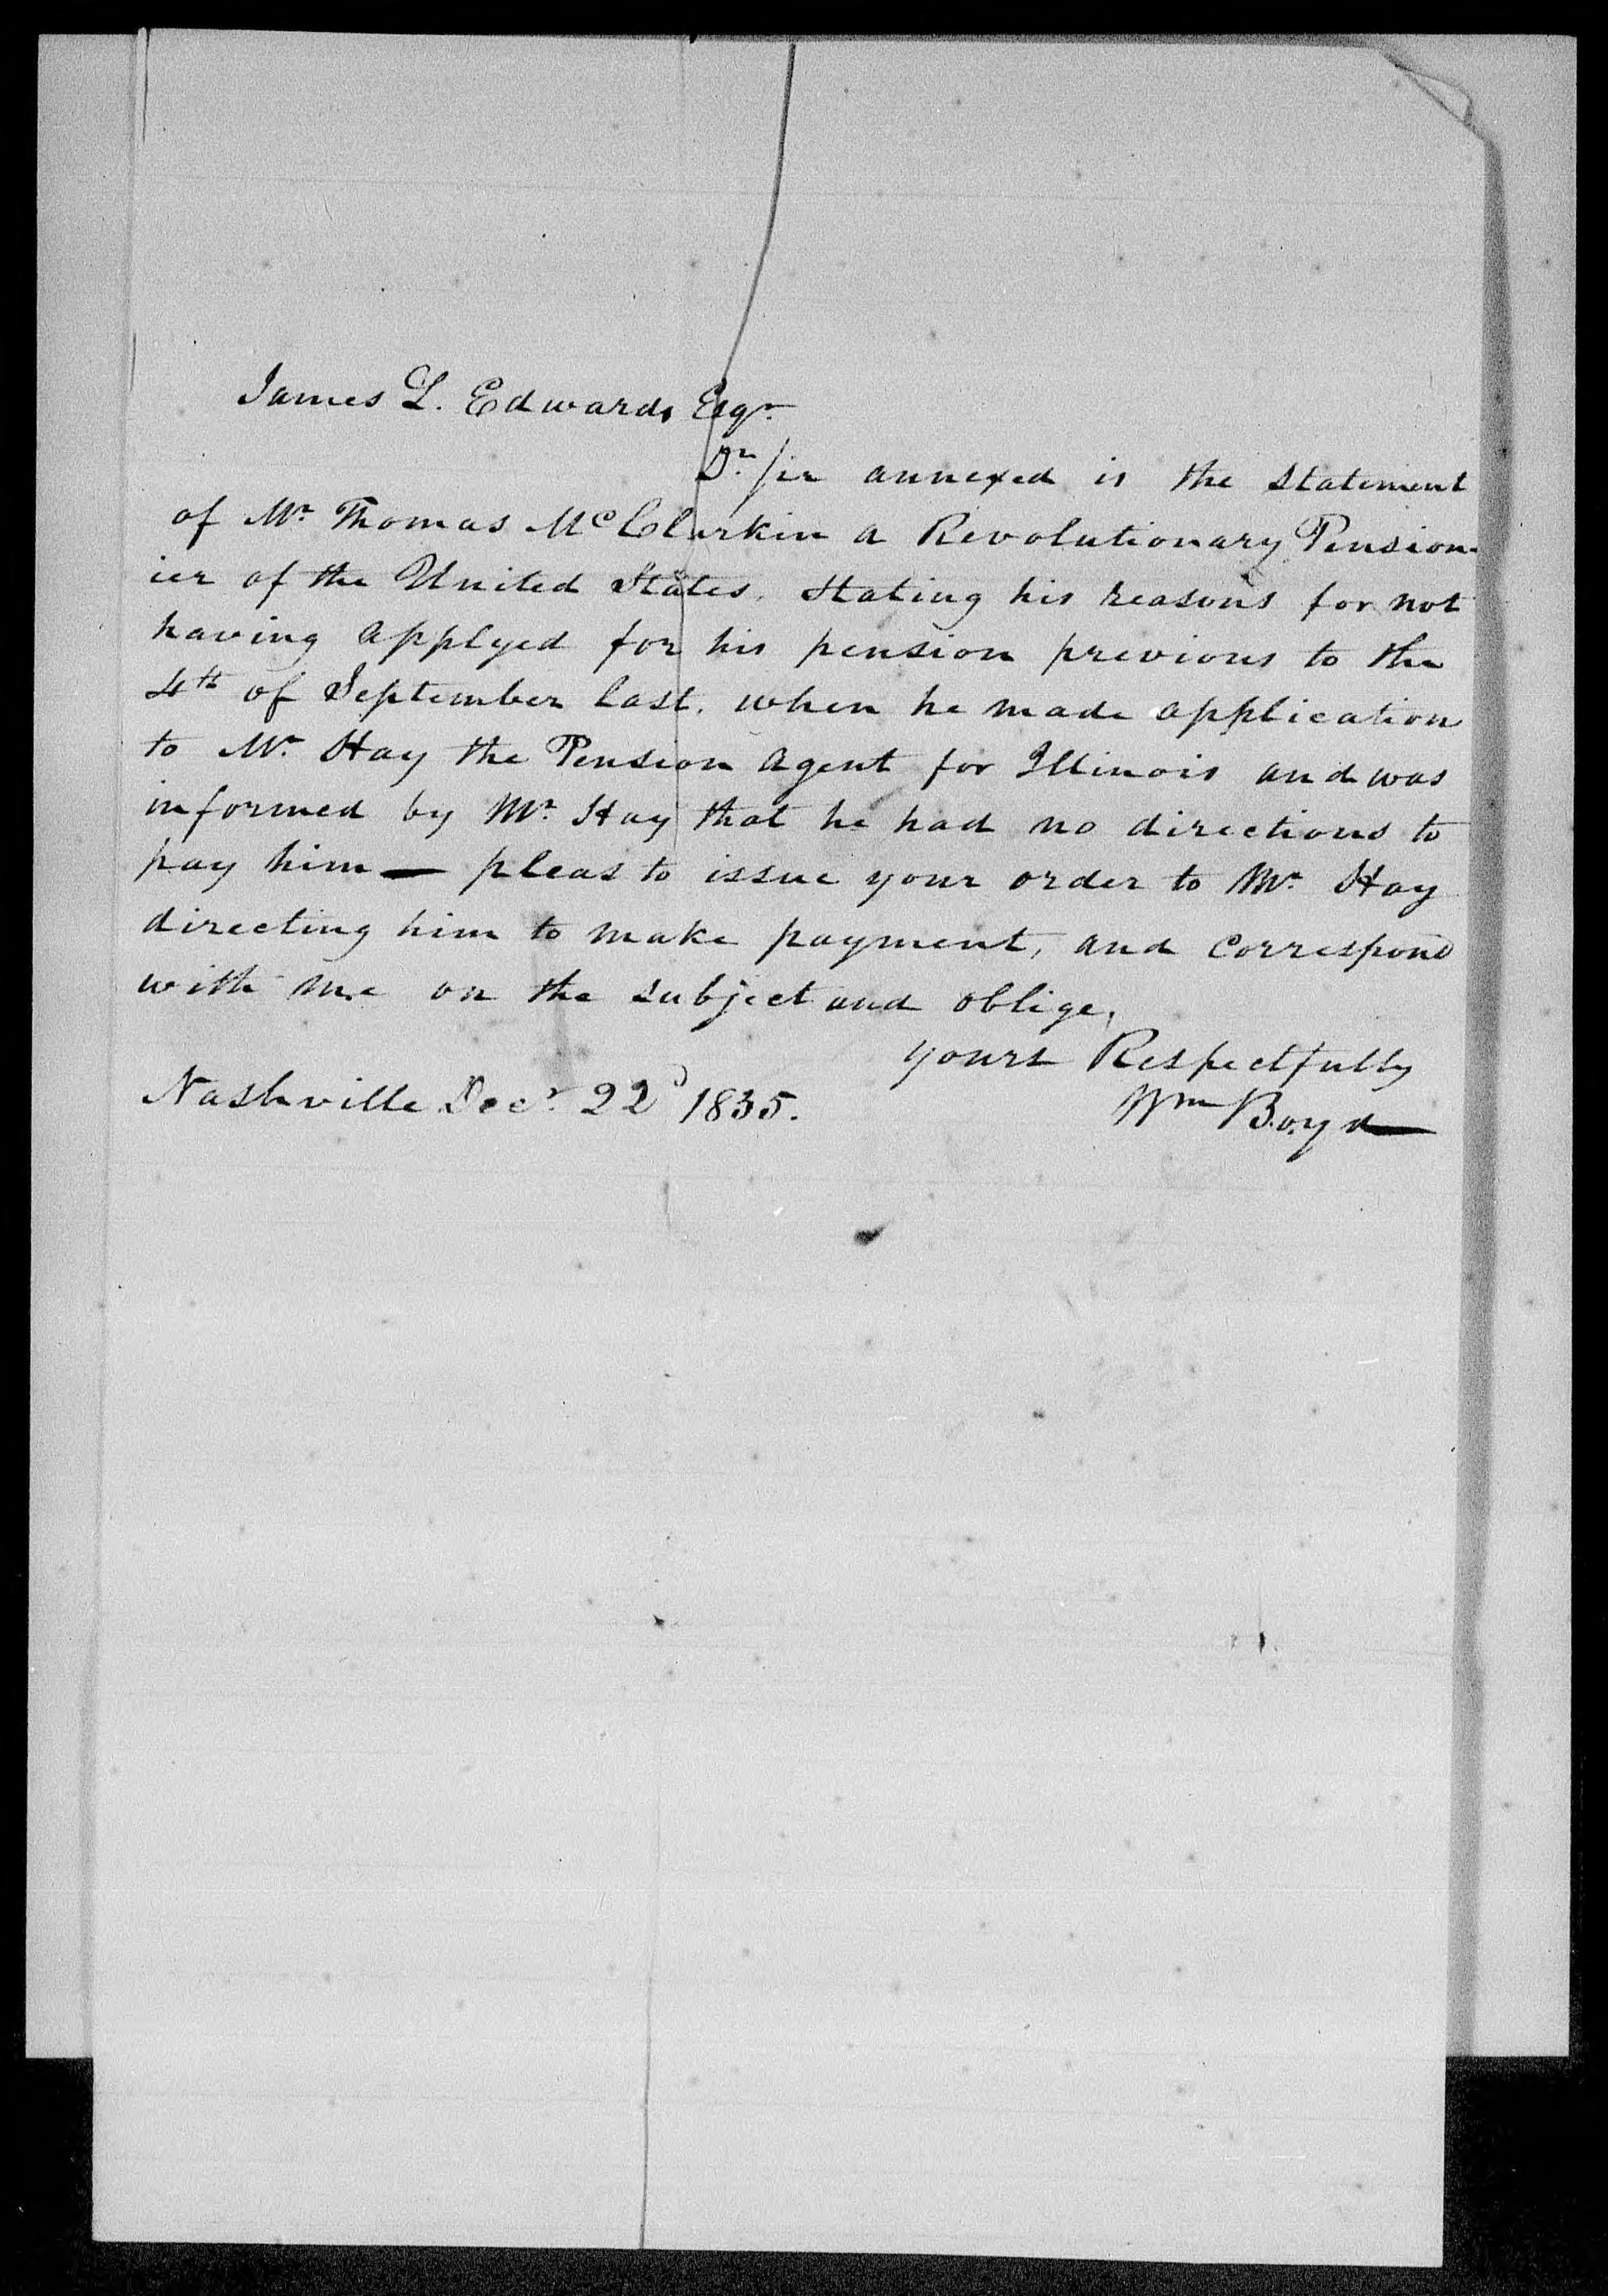James L. Edwards Esqr

Dear Sir annexed is the statement of Mr Thomas McClurken a Revolutionary Pension of the United States, stating his reasons for not having applyed for his pension previous to the 4th of September last, when he made application to Mr Hay the Pension agent for Illinois and was informed by Mr Hay that he had no directions to pay him. pleas to issue your order to Mr Hay directing him to make payment, and correspond with me on the subject and oblige

Yours Respectfully
 Wm Boyd

Nashville Decr 22nd 1835.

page: 72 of 93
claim: widow's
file: W. 21792, for Thomas Mc Clurken, South Carolina